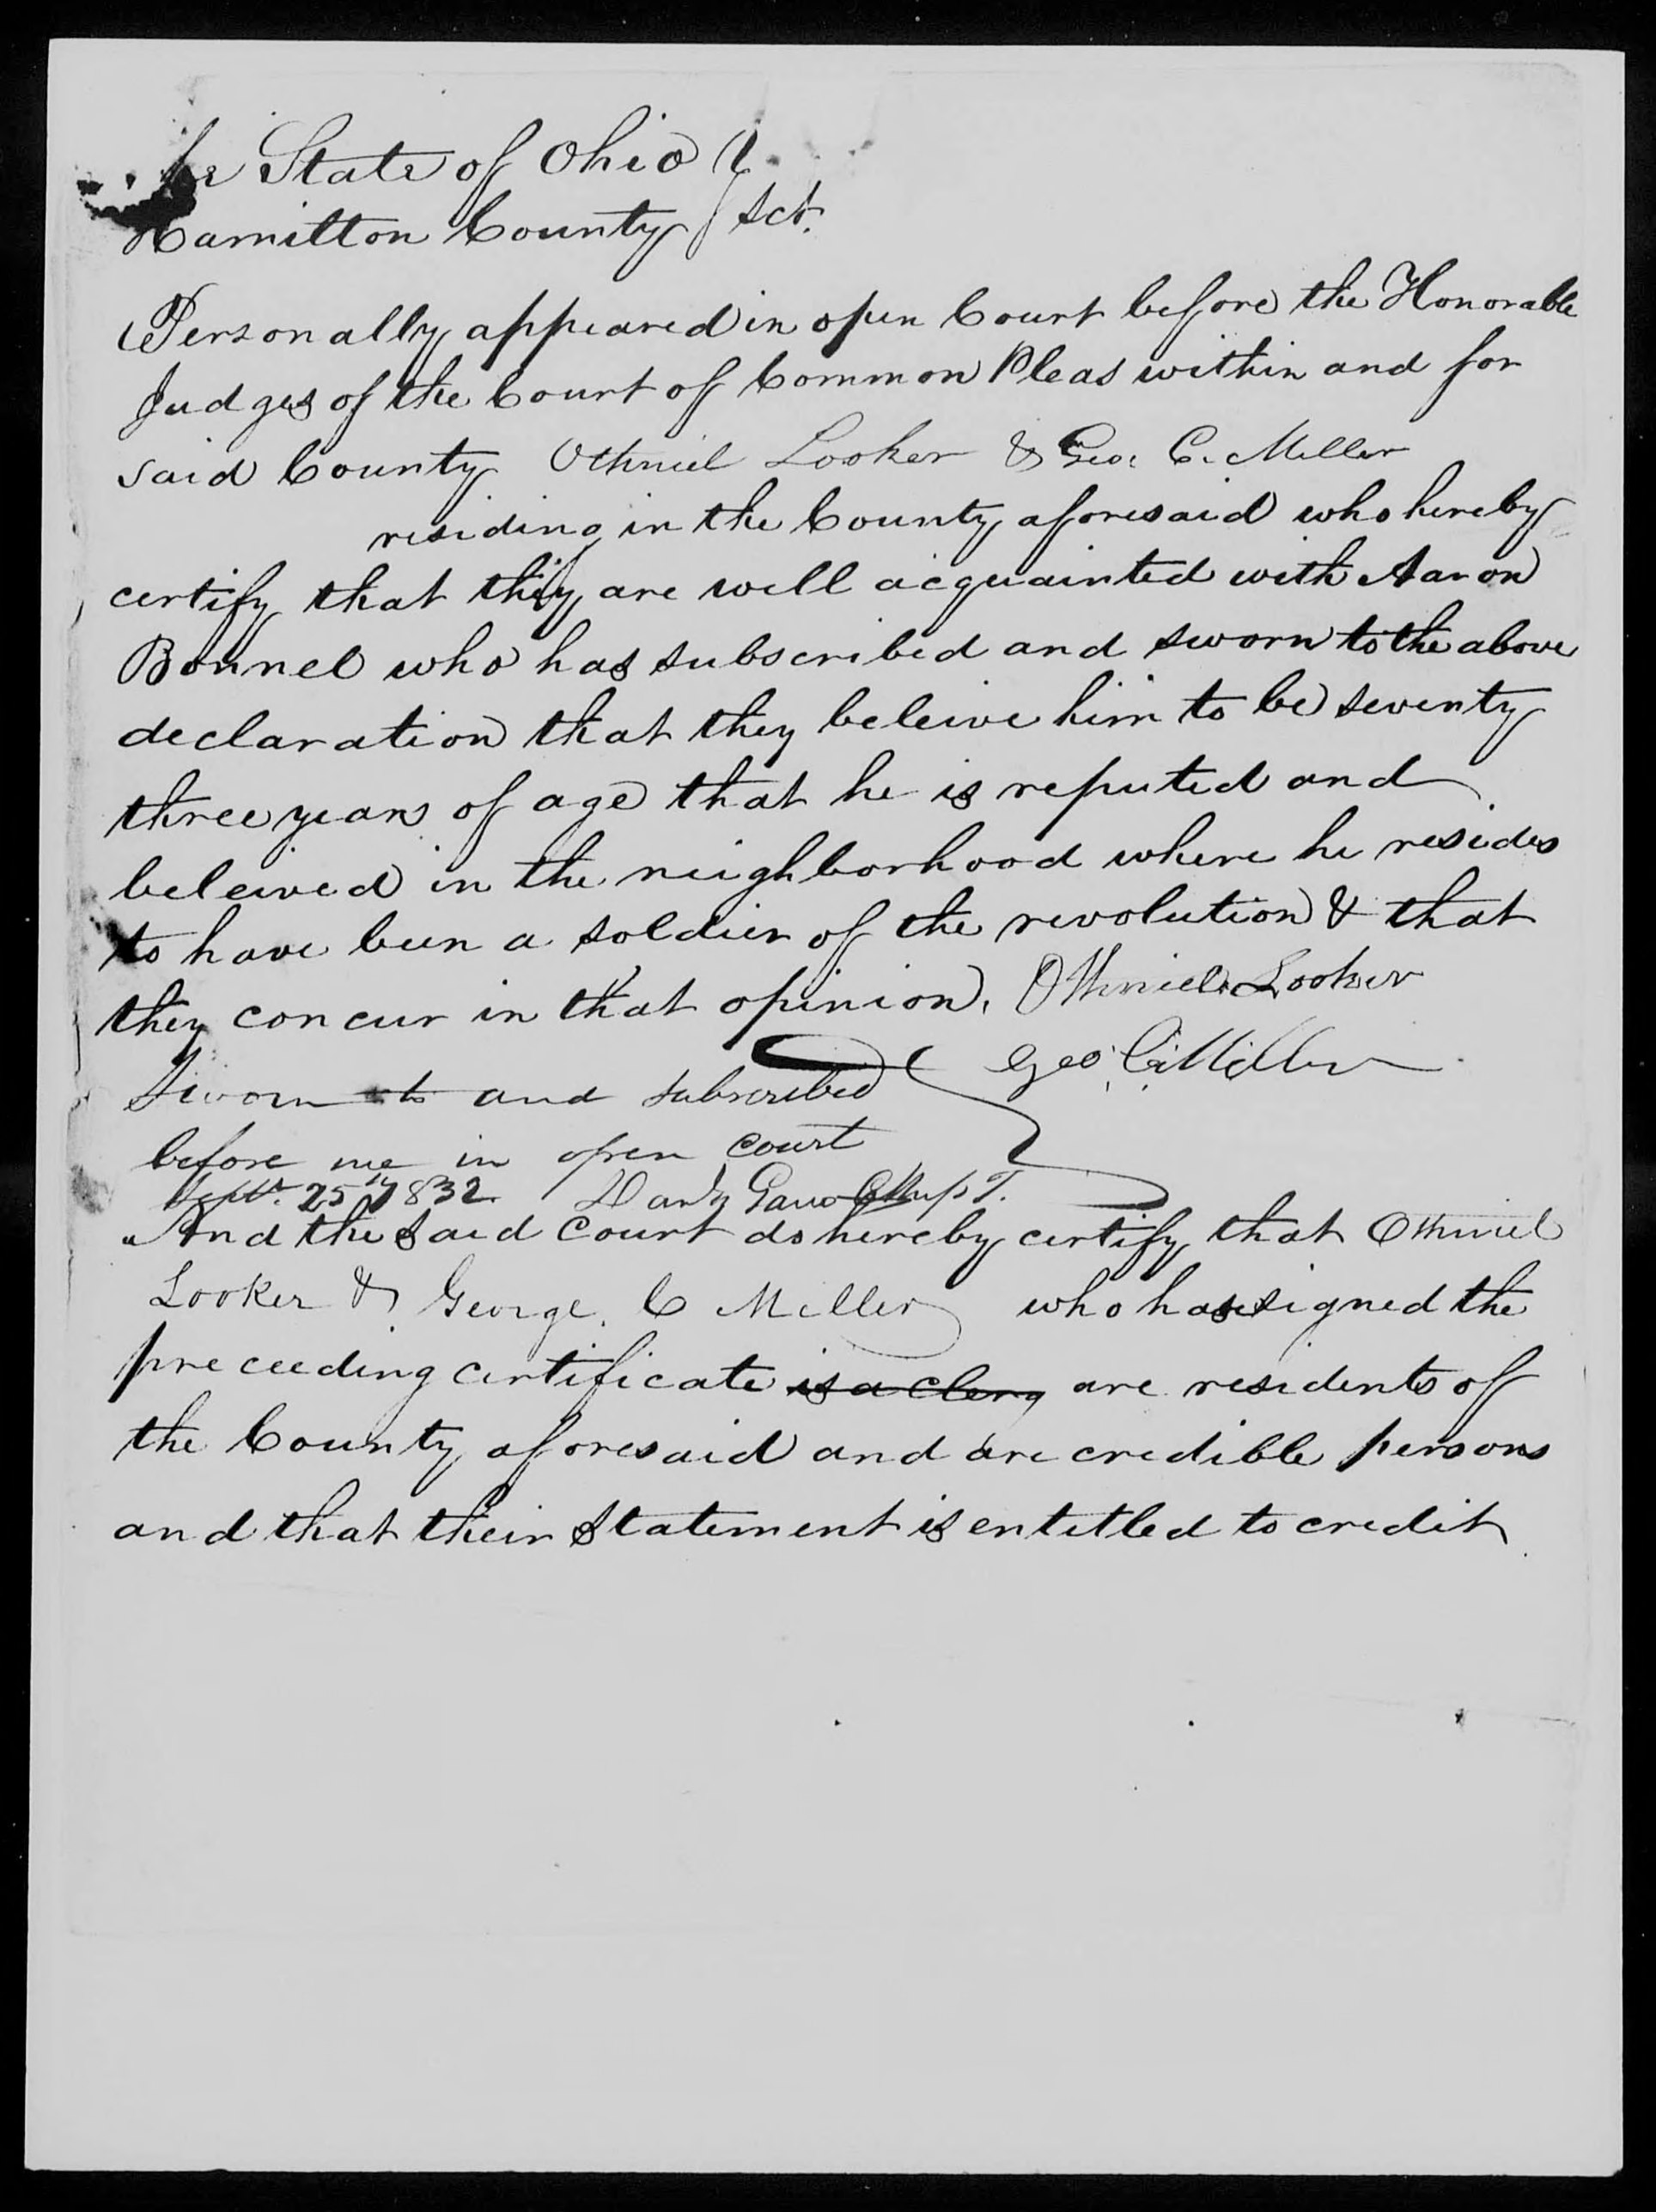The State of Ohio
Hamilton County }Sct
Personally appeared in open court before the Honorable Judges of the Court of Common Pleas within and for said County Othniel Looker & Geo. C. Miller residing in the County aforesaid who hereby certify that they are well acquainted with Aaron Bonnel who has subscribed and sworn to the above declaration that they believe him to be seventy three years of age, that he is reputed and believed in the neighborhood where he resided to have been a soldier of the revolution & that they concur in that opinion.  
Othniel Looker
Geo. C. Miller

Sworn to and subscribed before me in open court Sept 25, 1832 Danl Gano Clk P.T.

And the said court do hereby certify that Othniel Looker & George C. Miller who have signed the preceding certificate are residents of the County aforesaid and are credible persons and that their statement is entitled to credit.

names: Othniel Looker, Othniel Looker, Aaron Bonnel, George C Miller, Geo C Miller, Geo C Miller, Othniel Looker, Danl Gano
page: 40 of 67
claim: rejected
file: R. 1009, Aaron Bonnel, New Jersey